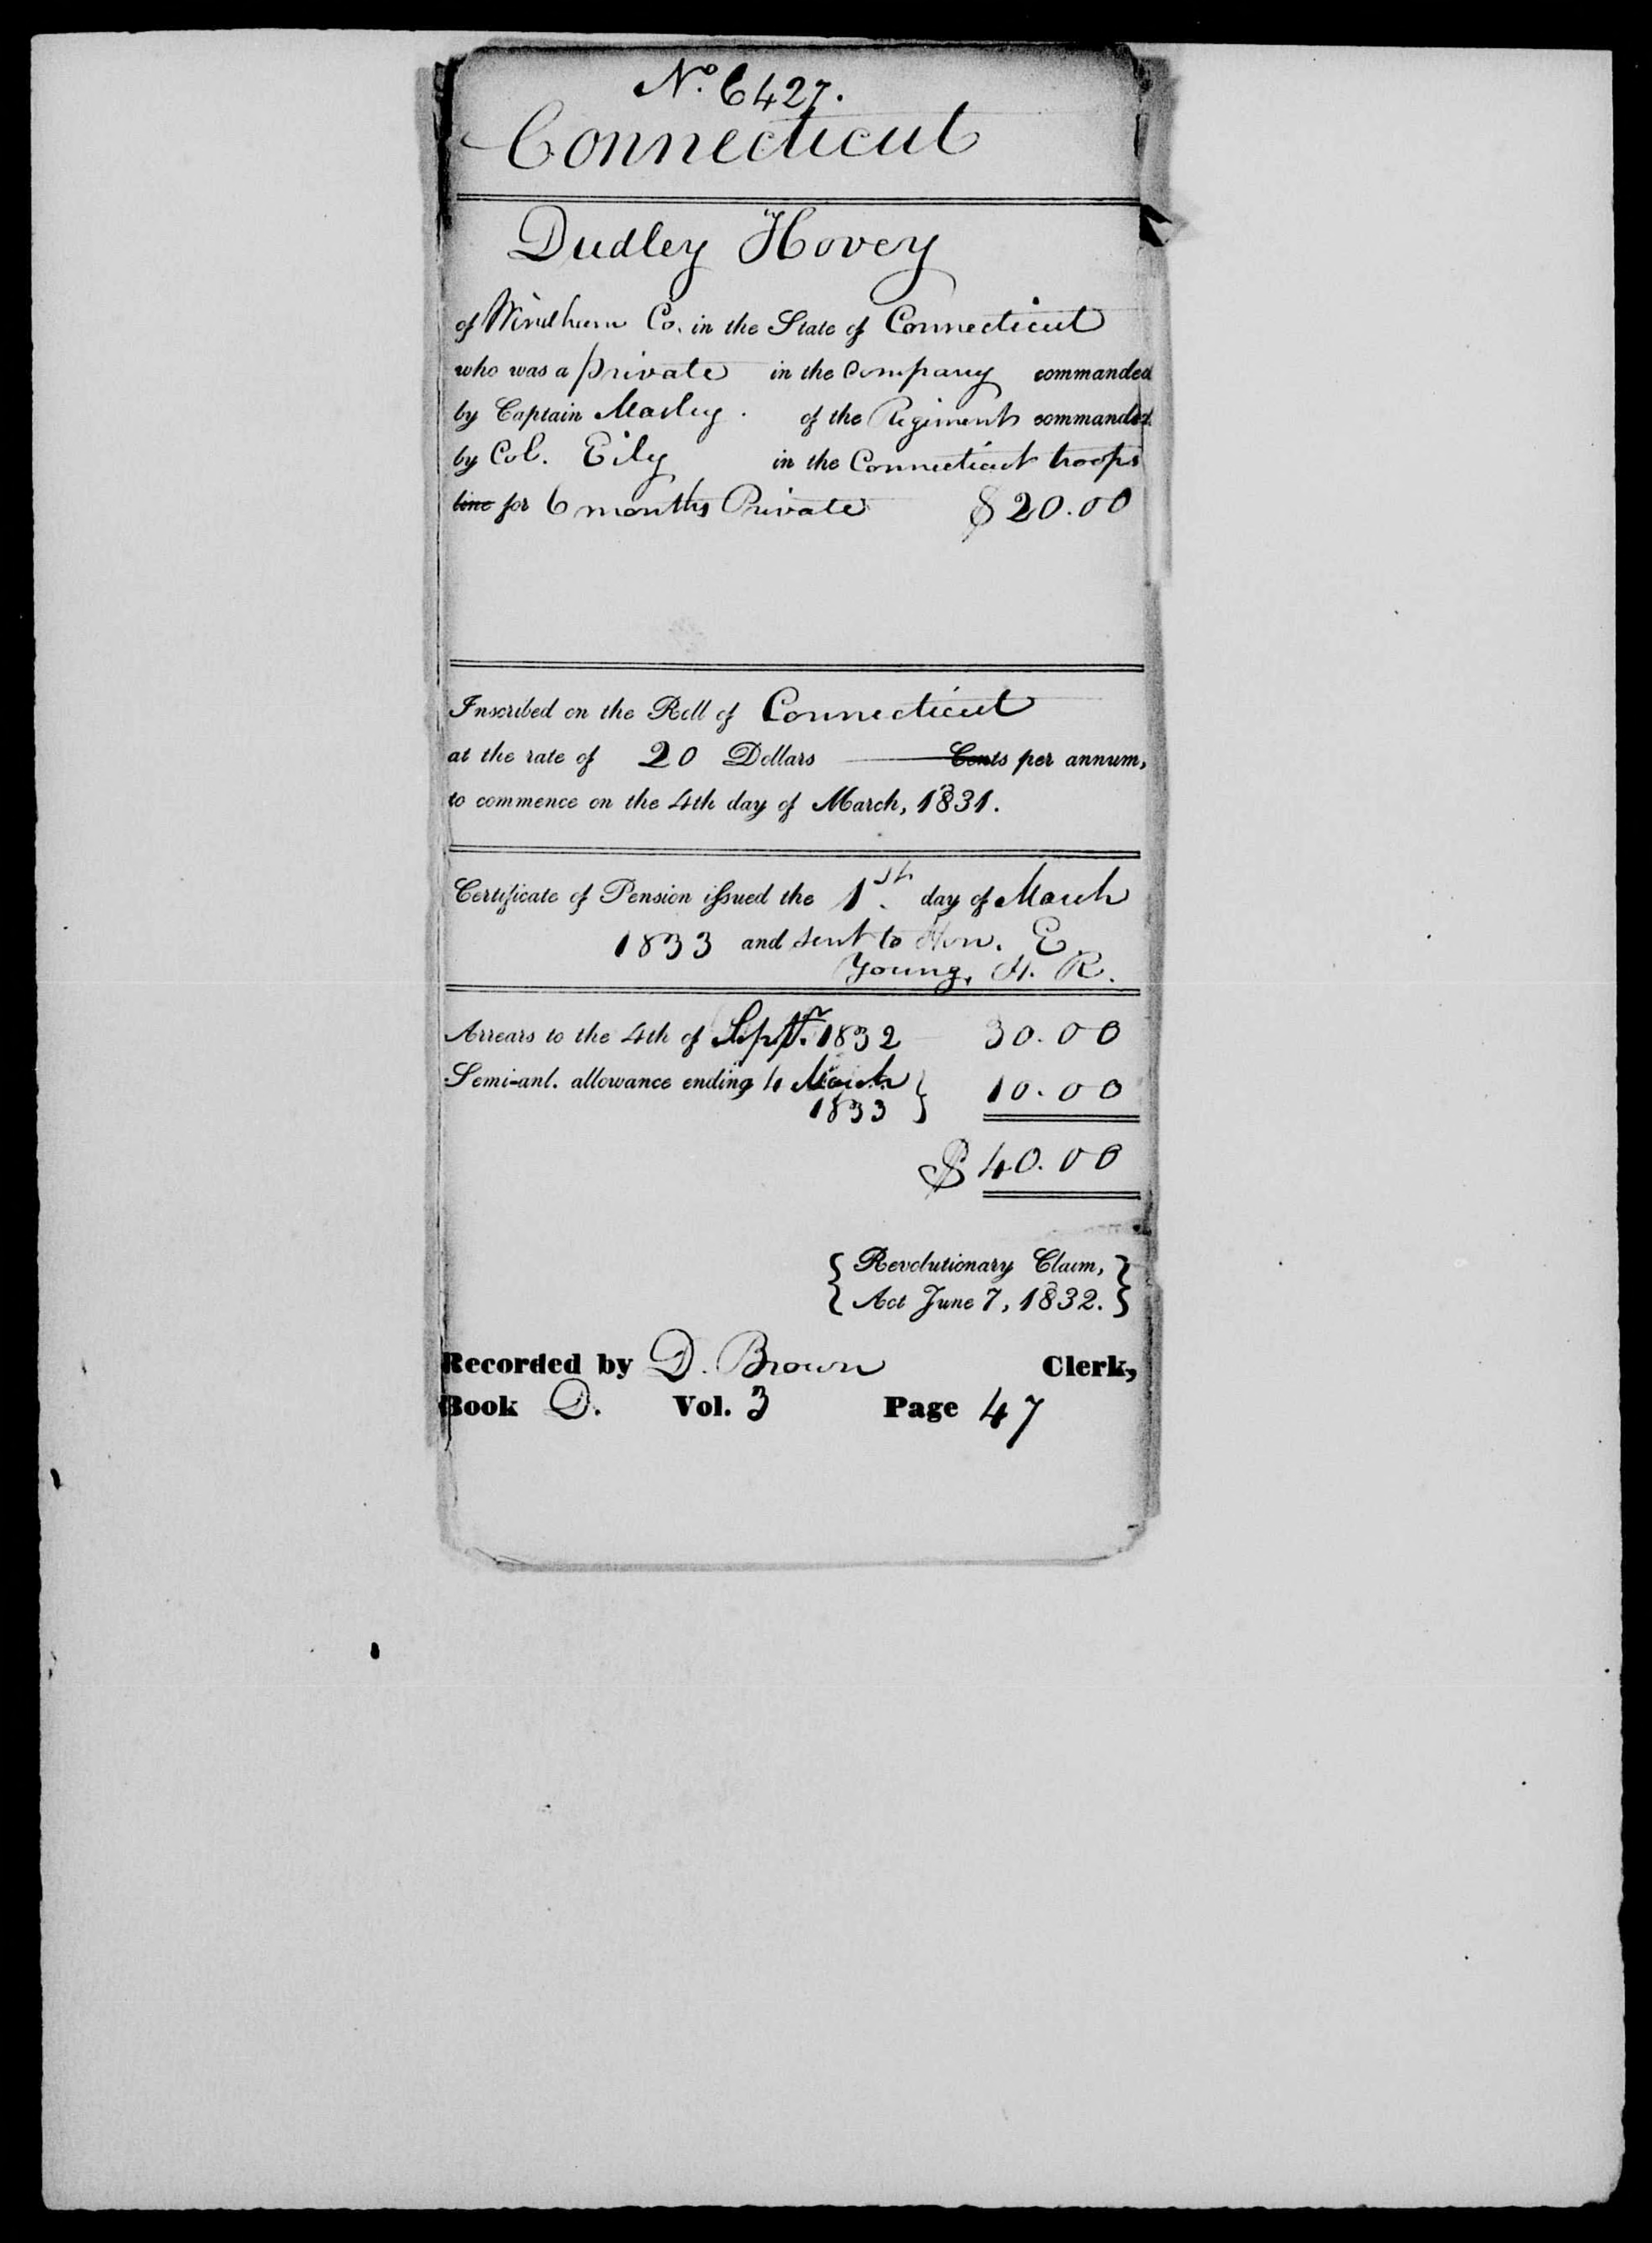No. 6427
Connecticut

Dudley Hovey
of Windham Co. in the State of Connecticut
who was a private in the company commanded
by Captain Marley of the Regiment commanded
by Col. Eily in the Connecticut troops
[word "line" is crossed out] for 6 months Private      $20.00

Inscribed on the Roll of Connecticut
at the rate of 20 Dollars  [word "Cents" is crossed out] per annum
to commence on the 4th day of March, 1831

Arrears to the 4th of Sept 1832     30.00
Semi-anl. allowance ending March 1833   10.00
$40.00

Revolutionary Claim,
Act June 7 1832

Recorded by D. Brown  Clerk
Book D. Vol. 3 Page 47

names: D Brown, Eily, Marley, E Young, Dudley Hovey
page: 2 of 13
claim: survivor's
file: S. 18451, Dudley Hovey, Conn.